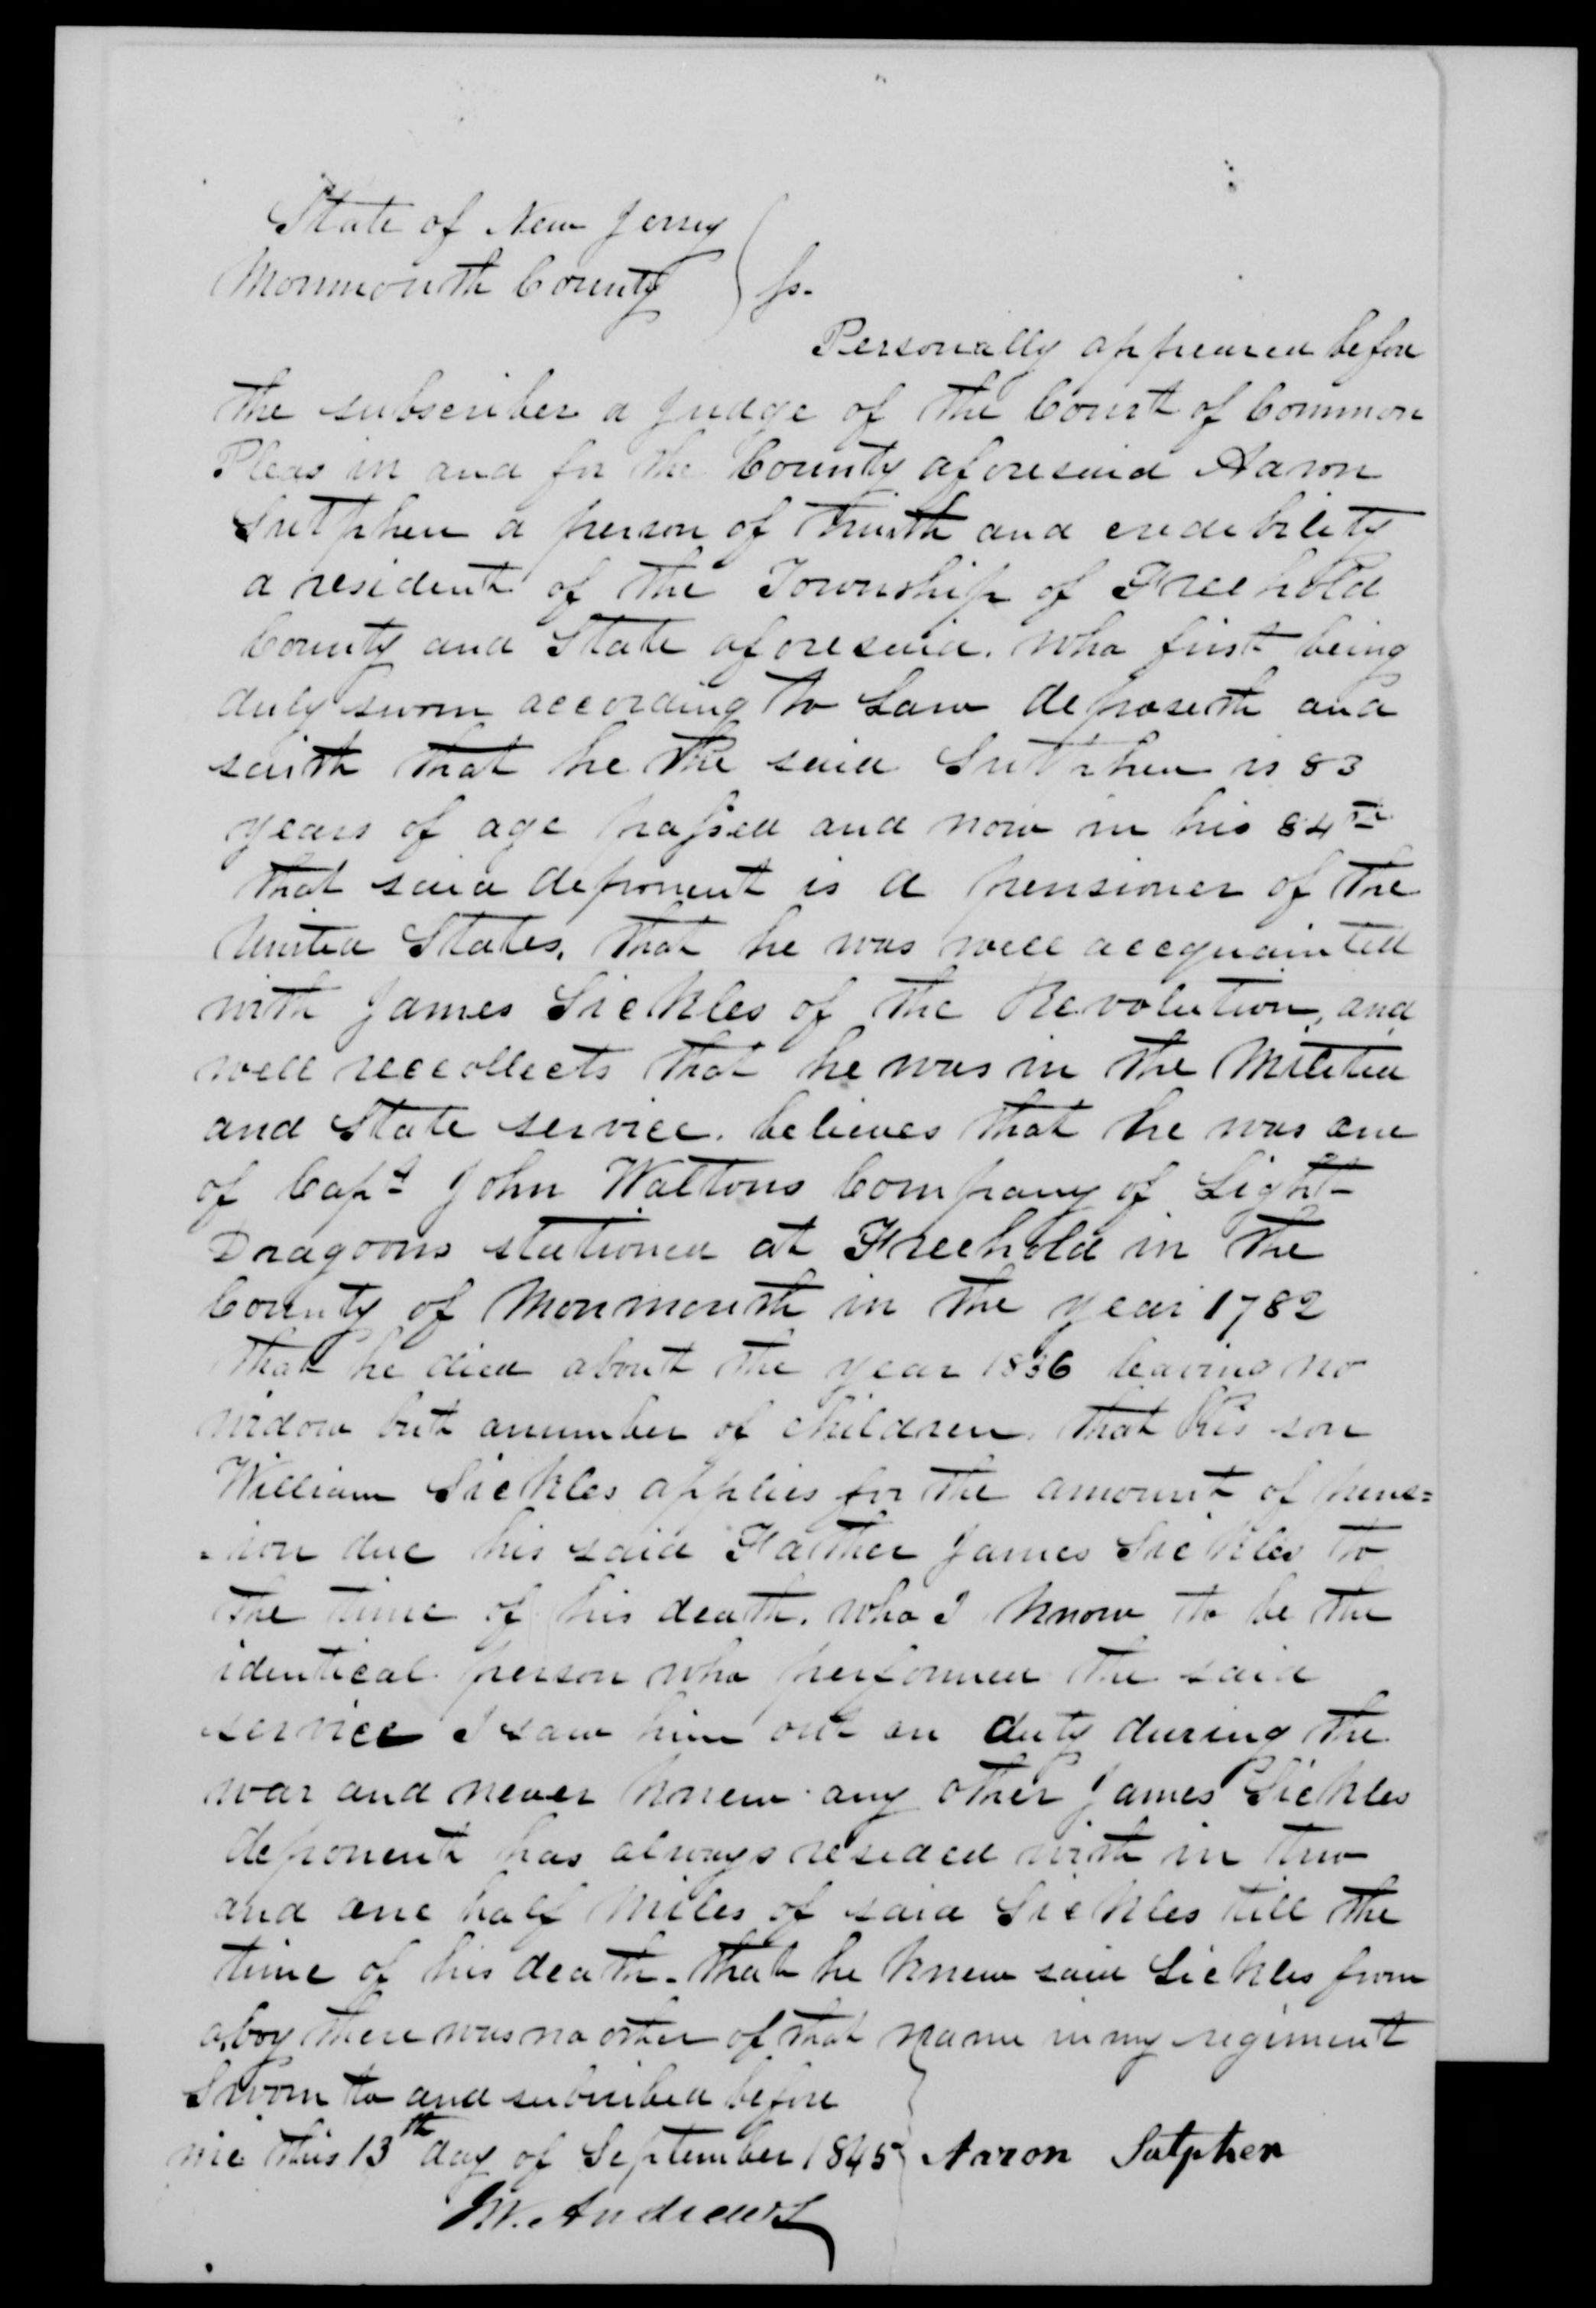State of New Jersey}
Monmouth County} Ss.
Personally appeared before the subscribed a Judge of the Court of Common Pleas in and for the County aforesaid Aaron Sutphen a person of truth and credibility a resident of the Township of Freehold County and State aforesaid, who first being duly sworn according to Law deposeth and saith that he the said Sutphen is 83 years of age [illegible] and now in his 84th that said deponent is a pensioner of the United States, that he was well acquainted with James Sickles of the Revolution, and well recollects that he was in the Militia and State service, believes that he was one of Capt John Waltons Company of Light Dragoons stationed at Freehold in the County of Monmouth in the year 1782 that he died about the year 1836 leaving no widow but a number of children that his son William Sickles applies for the amount of pension due his said Father James Sickles to the time of his death, who I know to be the identical person who performed the said Service I saw him out on duty during the war and never knew any other James Sickles deponent has always resided with in two and one half Miles of said Sickles till the time of his death, that he knew said Sickles from a boy there was no other of that name in my regiment
Sworn to and subscribed before}
me this 13th day of September 1845} Aaron Sutphen
J. W. Andrews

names: Aaron Sutphen; J W Andrews; James Sickles; William Sickles; [BLANK] Sickles; Aaron Sutphen; James Sickles; [BLANK] Sickles; [BLANK] Smith; [BLANK] Sutphen; James Sickles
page: 7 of 33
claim: survivor's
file: S. 4,841, for James Sickles, New Jersey